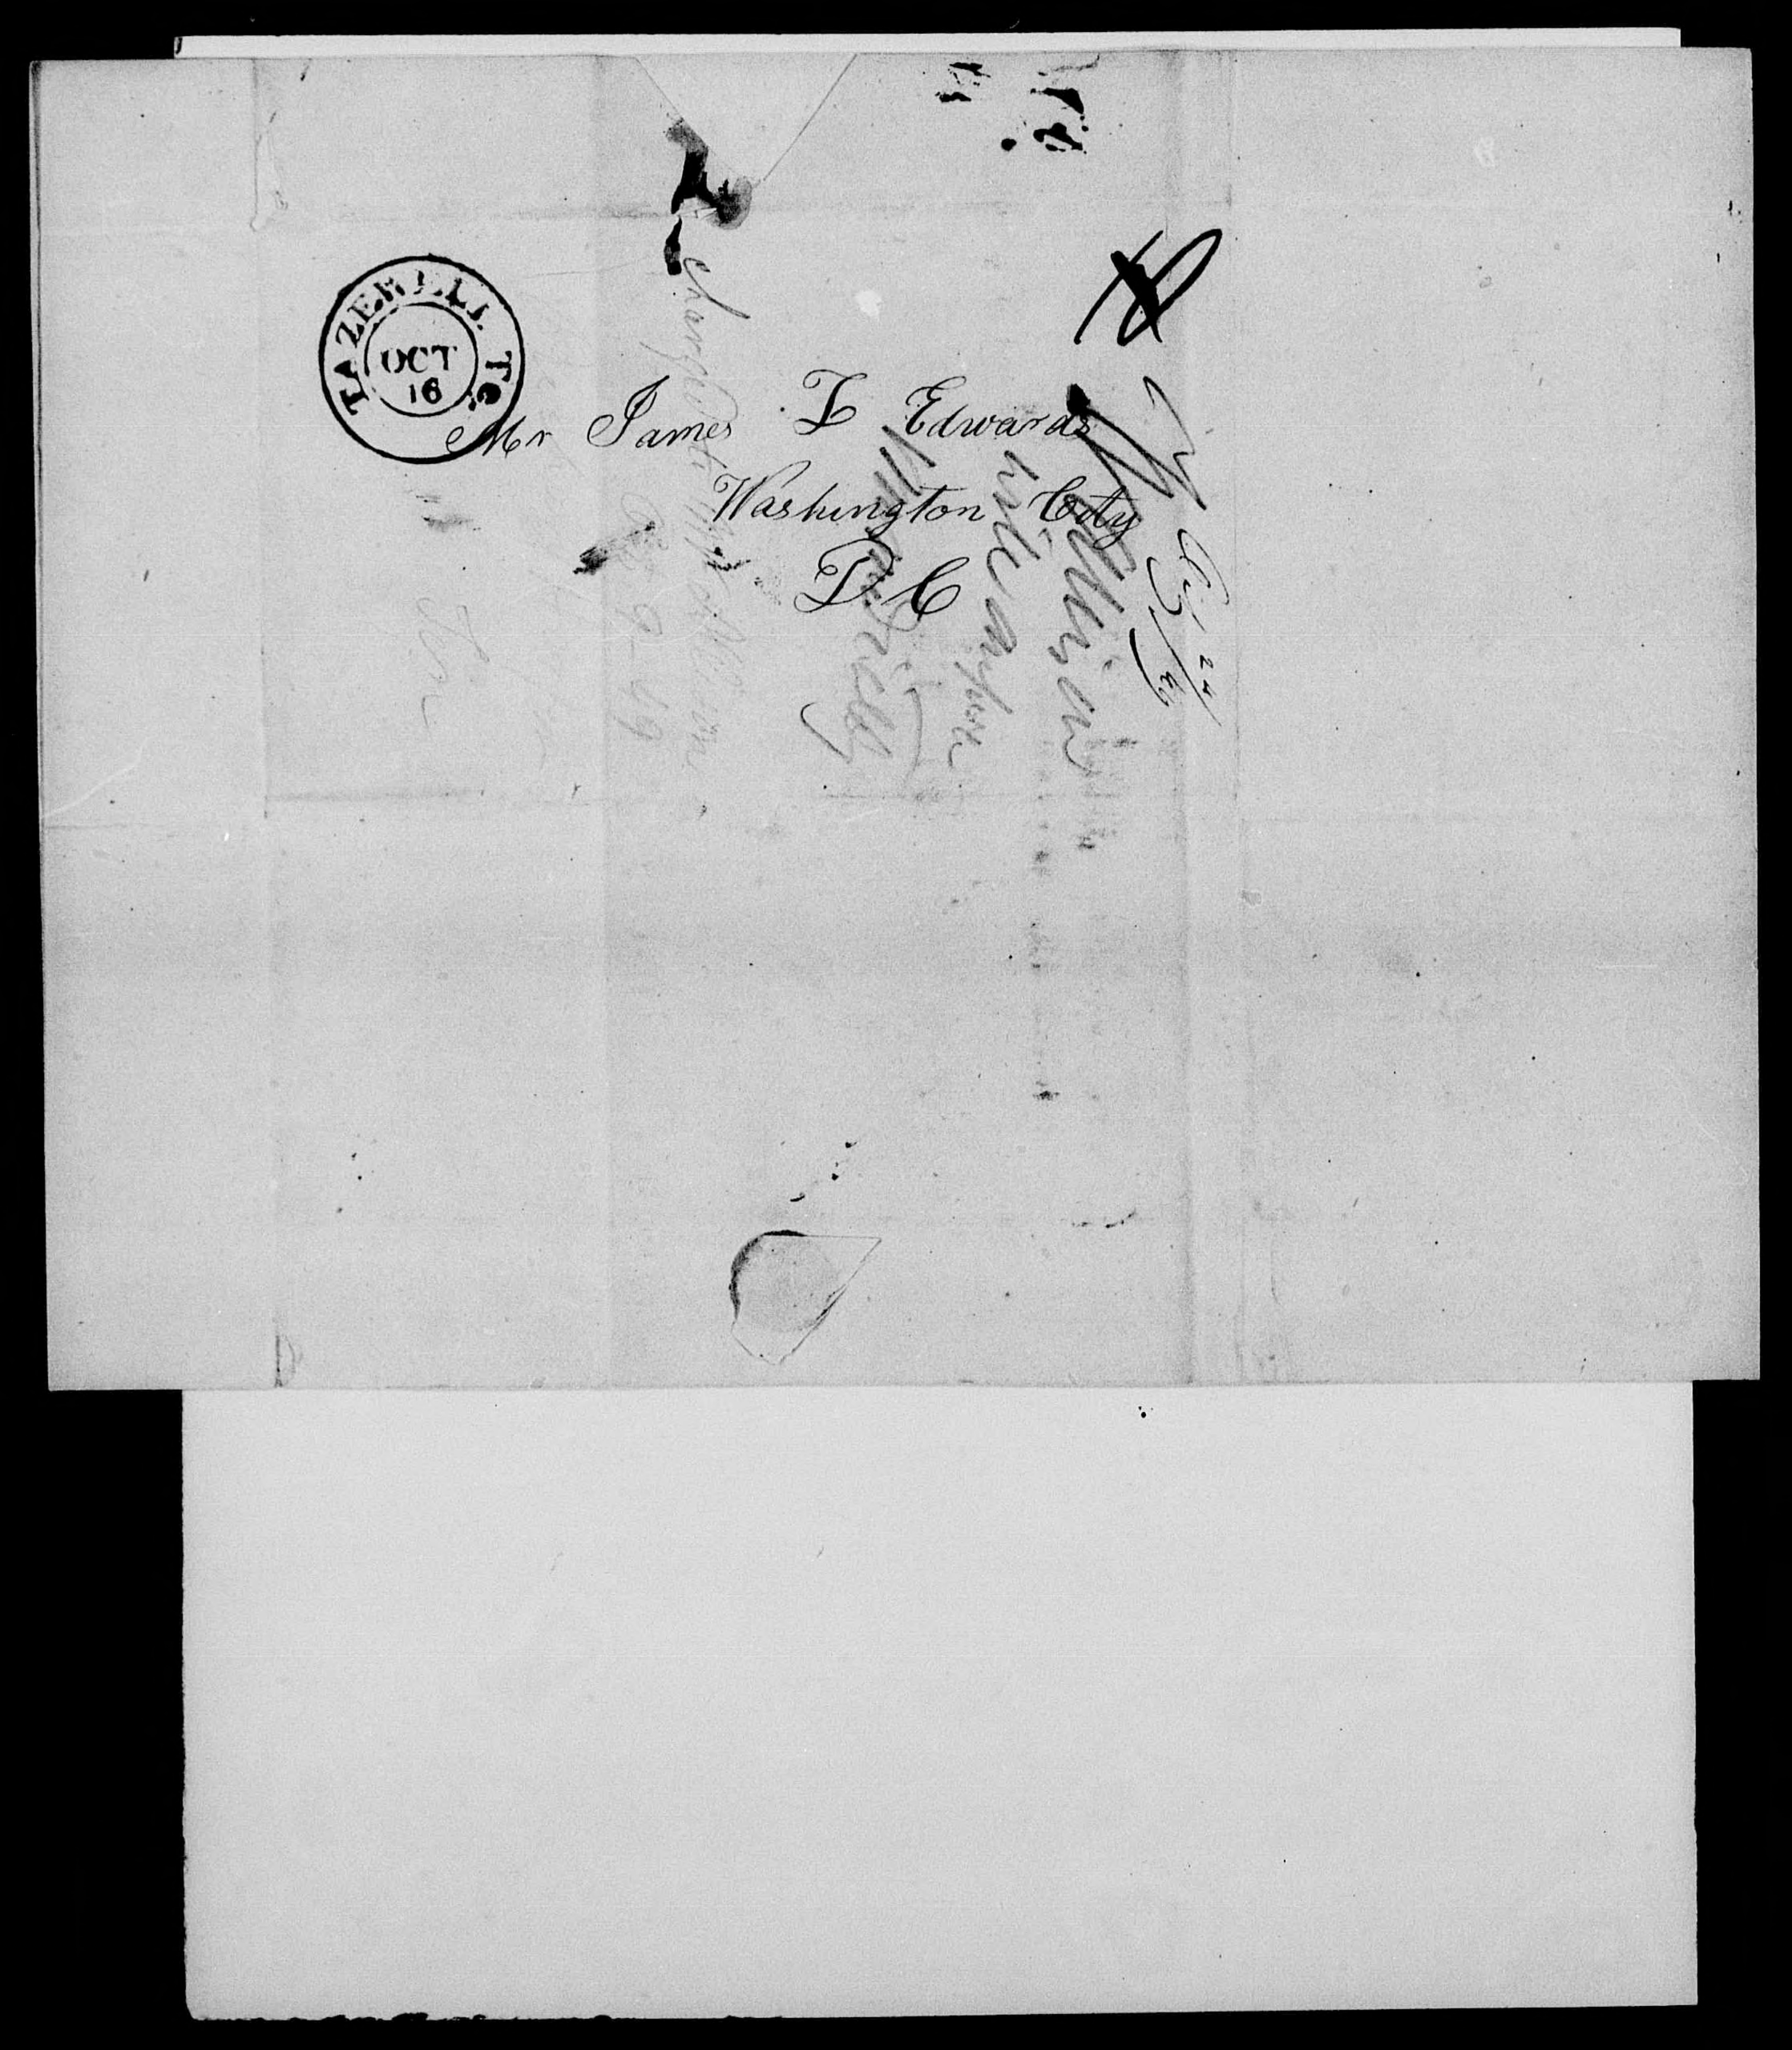TAZEWELL Te.
OCT
16 
[POSTMARK CANCELLATION]

Mr. James L Edwards
Washington City
DC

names: James L Edwards, W Allison, W Allison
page: 16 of 81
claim: survivor's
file: S. 1908, Richard Harper, N.C.